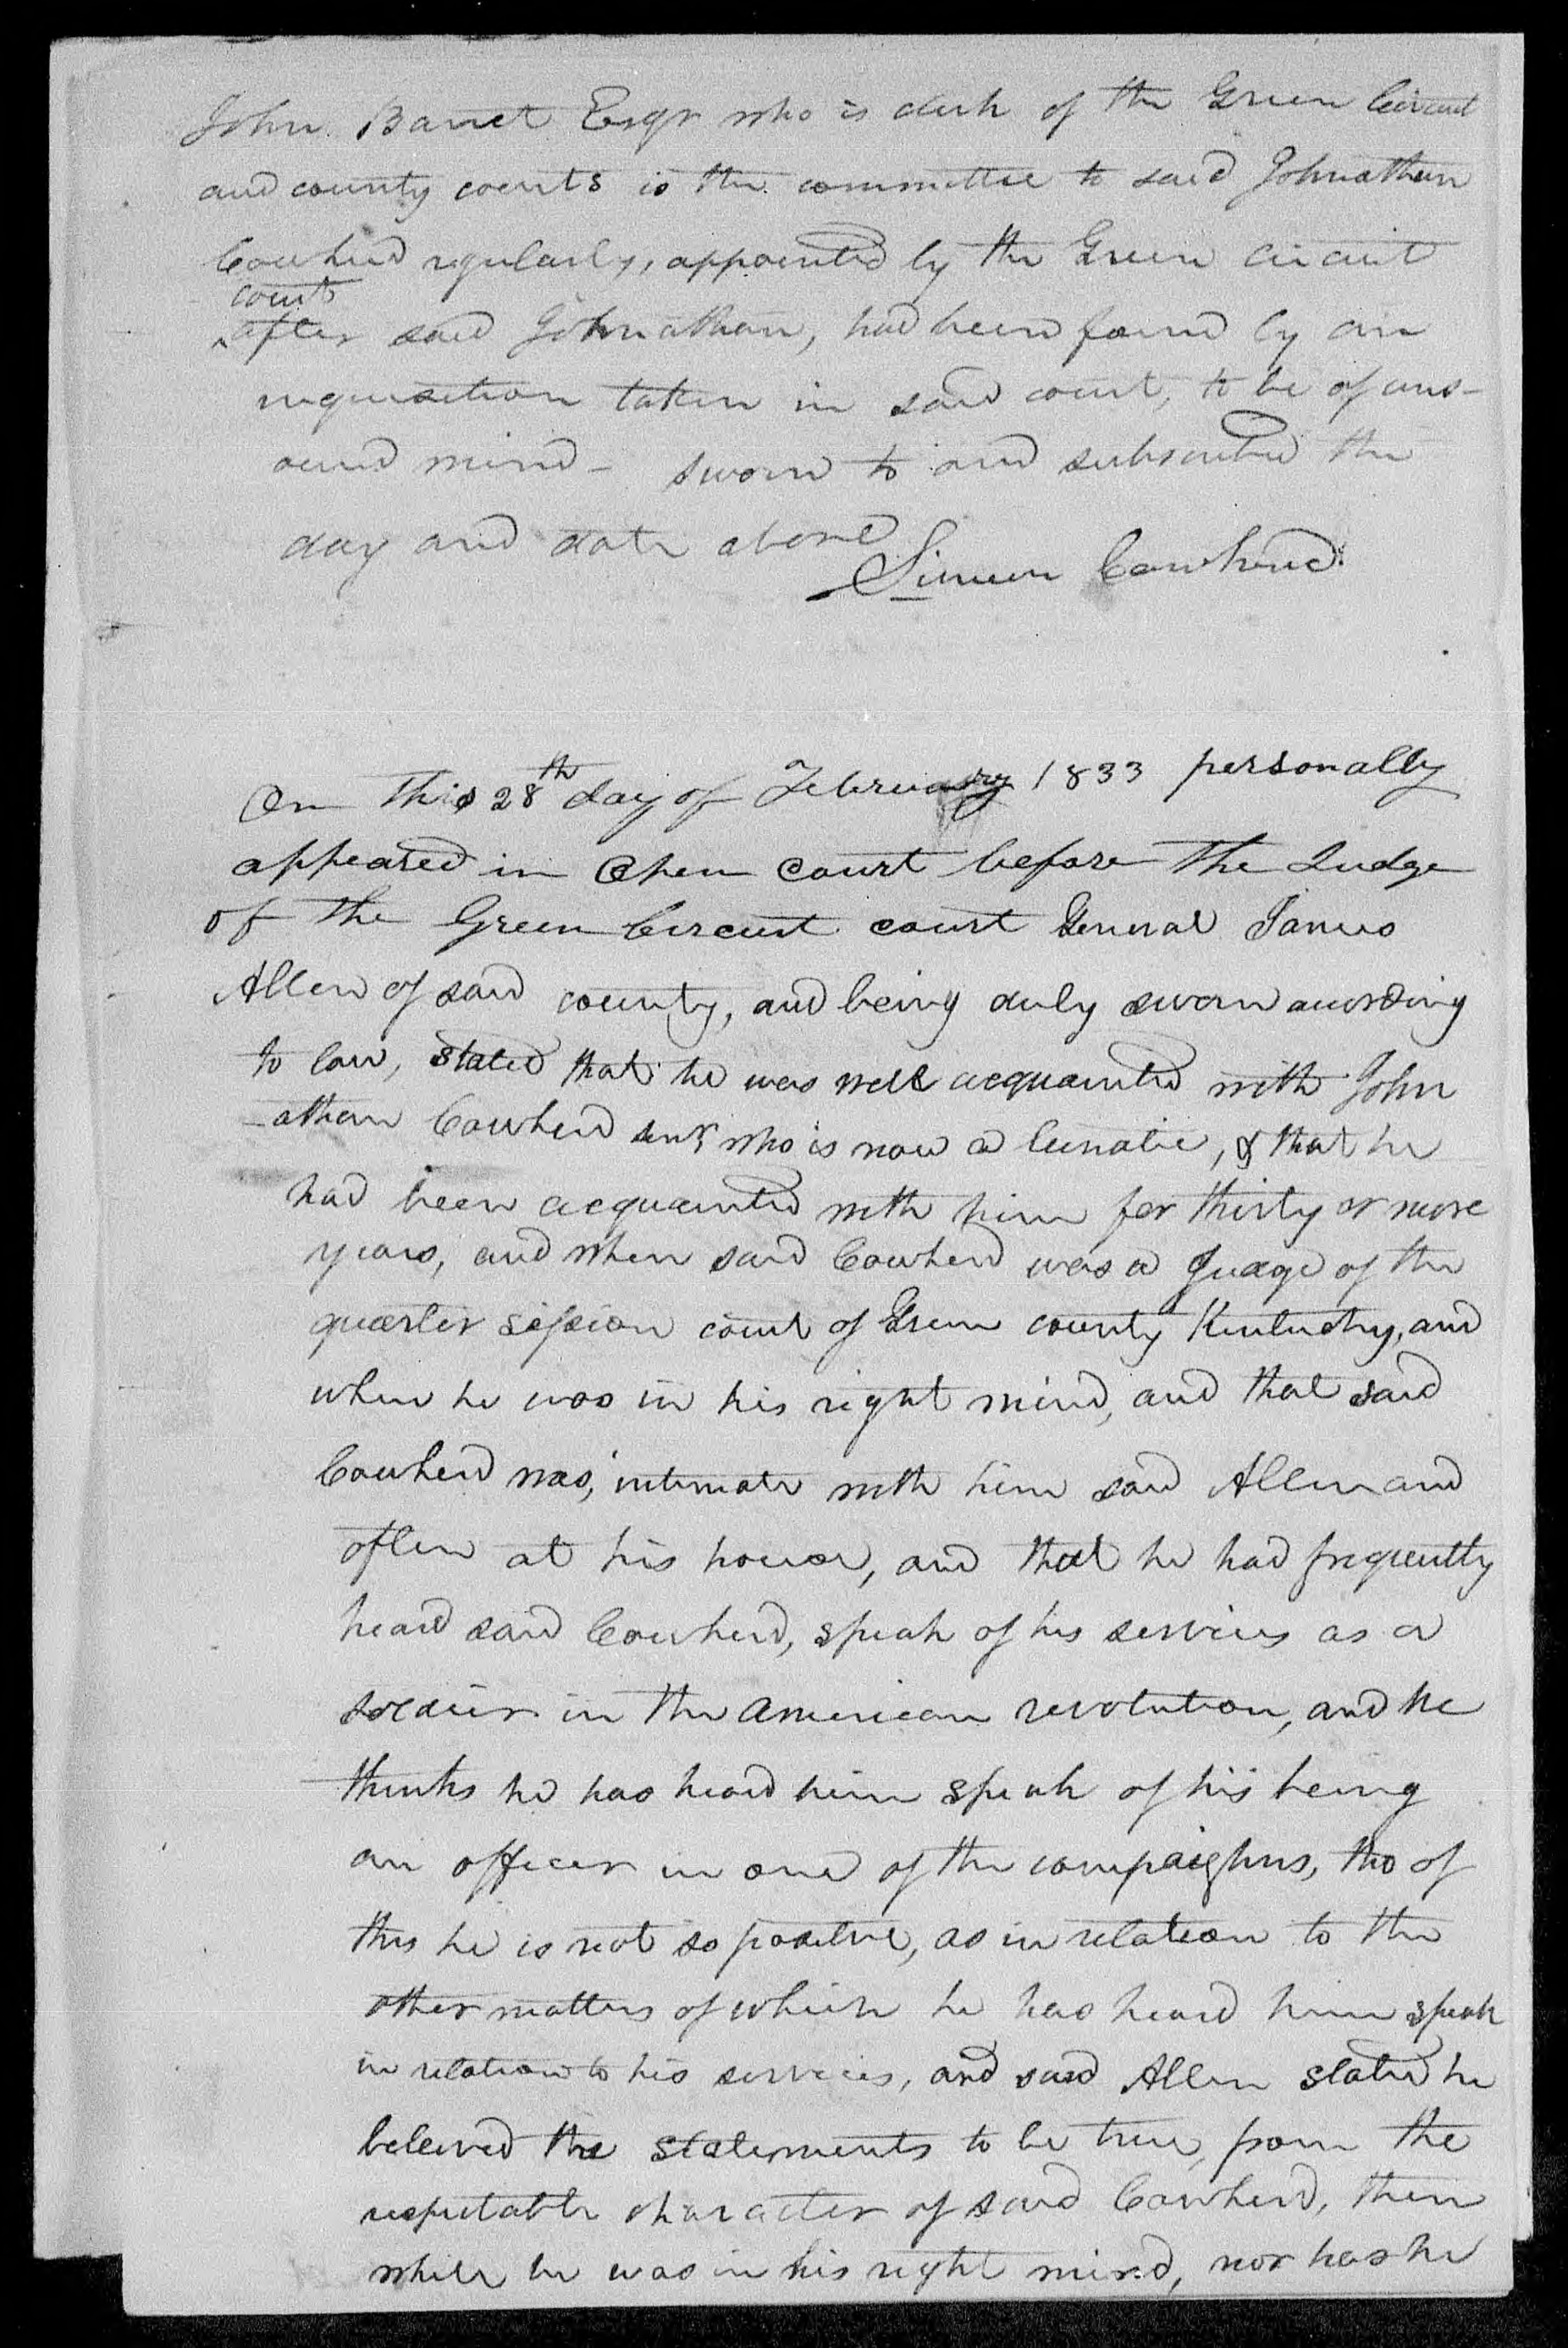John Barret Esq who is clerk of the Green Circuit and county courts is the  committee to said Johnathan Cowherd regularly, appointed by the Green Circuit Court after said Johnathan, had been found by an inquisition taken in said court, to be of unsound mind- Sworn to and subsanted the day and date above.
                                   Simeon Cowherd  

On this 28th day of February 1833 personally appeared in Green Court before the Judge of the Green Circuit Court General Janus Allen of said county, and being duly sworn according to law, stated that he was well acquainted with Johnathan Cowherd and who is now a lunatic Y that he had been acquainted with him for thirty or more years, and when said Cowherd was a Judge of the quarters relation court of Green county Kentucky, and when he was in his right mind, and that said Cowherd was, intimate with him saw Allen and often at his honor, and that he frequently heard and said Cowherd, speak of his services as a soldier in the American Revolution, and he thinks he has heard him speak of his being an officer in one of the campaigns, tho of this he is not so positive, as in relation to  his services, and said Allen states he believed the statements to be true, from the respectable character of said Cowherd, then while he was in his right mind, nor has he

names: James Allen, Cowherd, Johnathan, Cowherd, Cowherd, Simeon Cowherd, Allen, John Barret, Cowherd, Johnathan Cowherd, Allen, Johnathan Cowherd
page: 6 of 46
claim: widow's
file: W 8619, Jonathan Cowherd, Va.